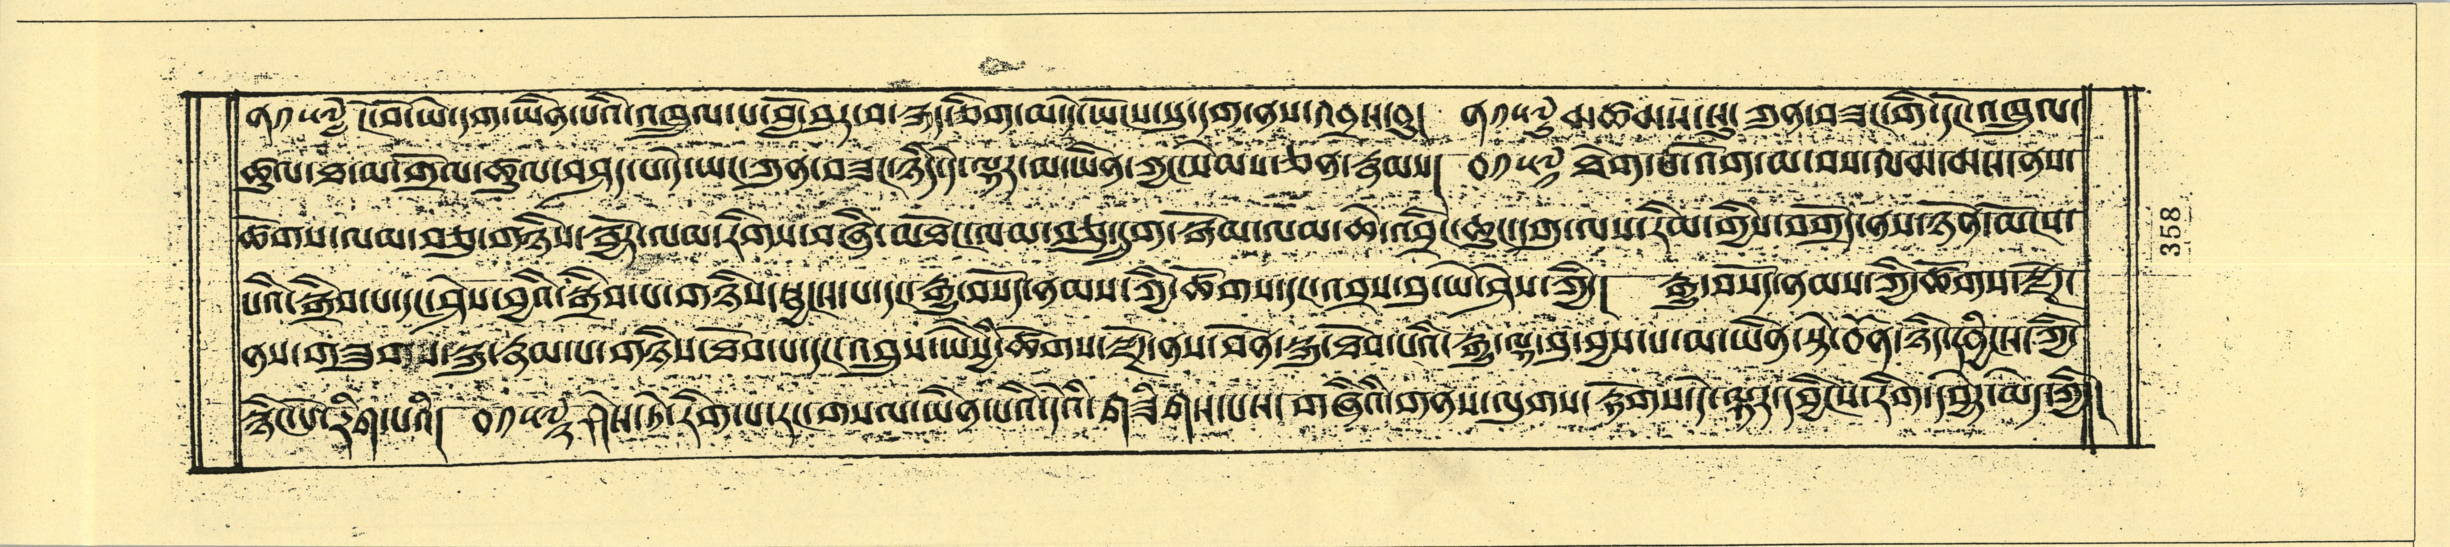ན༡༥༧།༤ ངོ་བོ་ཡེ་དག་ཡིན་པའི་འཁྲུལ་པ་བློ་བུར་བ་སྐད་ཅིག་མ་དེ་ཡོངས་སུ་དག་ནས་ ༼འབྲས་བུ།༽ན༡༥༧།༦ ༼མཚམས་སུ་༽ཀུན་བཟང་གི་དོང་འཁྲུལ་
ཚུལ་ཐ་མ་གྲོལ་ཚུལ་བཤད་པ་དེ་ཡང་ཀུན་བཟང་ཉིད་དེ་ལྟར་མ་ཡིན་ཀྱང་སེམས་ཅན་རྣམས། བ༡༥༧།༡ ཐེག་པ་འོག་མ་བས་ ༼ལམ་མས་༽ནས་
ཚོགས་ལམ་བཅུ་གཉིས་སྦྱོར་ལམ་རིགས་བཞི་མཐོང་ལམ་བཅུ་དྲུག་སྒོམ་ལམ་ཆེ་འབྲིང་ཆུང་དགུ་ལས་རིམ་གྱིས་བགྲོད་ནས་ཉོན་མོངས་
པའི་སྒྲིབ་པ་དང་ཤེས་བྱའི་སྒྲིབ་པ་གཉིས་ ༼སྦྱངས་པ་༽དང་རྒྱུ་བསོད་ནམས་ཀྱི་ཚོགས་དང་འབྲས་བུ་ཡེ་ཤེས་ཀྱི། རྒྱུ་བསོད་ནམས་ཀྱི་ཚོགས་རྫོགས་
ནས་གཟུགས་སྐུ་རྣམ་པ་གཉིས་ཐོབ་པ་དང་འབྲས་བུ་ཡེ་ཤེས་ཀྱི་ཚོགས་རྫོགས་ནས་བོན་སྐུ་ཐོབ་པའི་རྒྱུ་ལྟ་བུ་བྱས་པ་མ་ཡིན་སྟེ་ ༼བོན་༽ཉིད་ ༼དབྱིངས་༽ཀྱི་
སྙིང་པོ་ ༼རིག་པའི།༽བ༡༥༧།༢ ༼ཤེས་༽ཏེ་རིག་པ་རང་གསལ་ཡིན་པའི་དེའི་ ༼གཟིགས་པས་༽གཞིའི་གནས་ལུགས་རྟོགས་དེ་ལྟར་དབྱིངས་རིག་དབྱེར་མེད་ཀྱི།